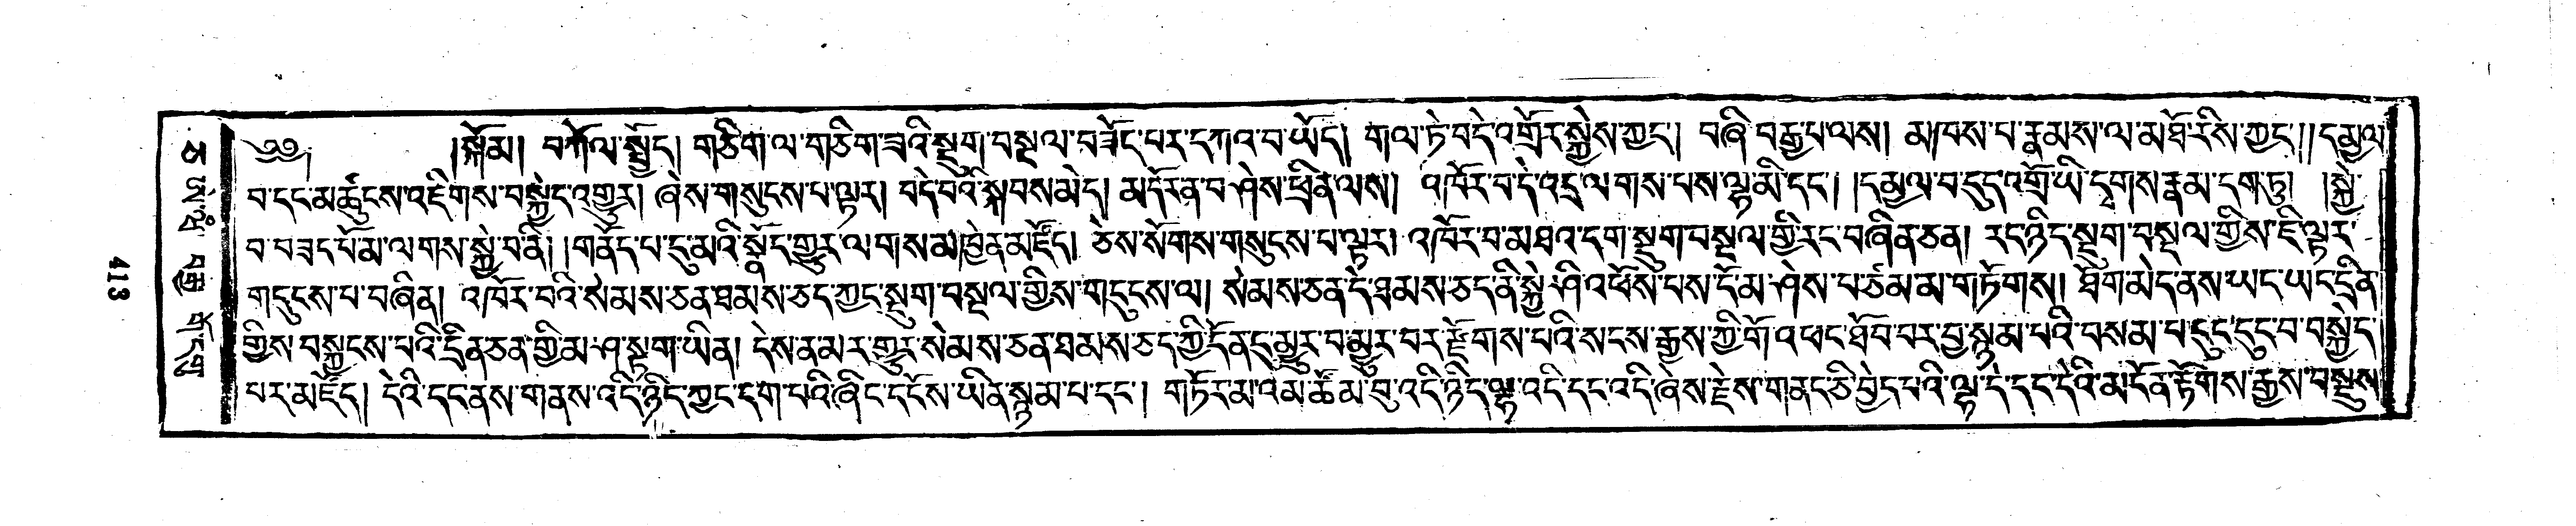༄༅། །སྐོམ། བཀོལ་སྤྱད། གཅིག་ལ་གཅིག་ཟའི་སྡུག་བསྔལ་བཟོད་པར་དཀའ་བ་ཡོད། གལ་ཏེ་བདེ་འགྲོར་སྐྱེས་ཀྱང་། བཞི་བརྒྱ་པ་ལས། མཁས་པ་རྣམས་ལ་མཐོ་རིས་ཀྱང་། །དམྱལ་
བ་དང་མཚུངས་འཇིགས་བསྐྱེད་འགྱུར། ཞེས་གསུངས་པ་ལྟར། བདེ་བའི་སྐབས་མེད། མདོར་ན་བཤེས་ཕྲིན་ལས། འཁོར་བ་དེ་འདྲ་ལགས་པས་ལྷ་མི་དང་། །དམྱལ་བ་དུད་འགྲོ་ཡི་དྭགས་རྣམ་དག་ཏུ། །སྐྱེ་
བ་བཟང་པོ་མ་ལགས་སྐྱེ་བ་ནི། །གནོད་པ་དུ་མའི་སྣོད་གྱུར་ལགས་མཁྱེན་མཛོད། ཅེས་སོགས་གསུངས་པ་ལྟར། འཁོར་བ་མཐའ་དག་སྡུག་བསྔལ་གྱི་རང་བཞིན་ཅན། རང་ཉིད་སྡུག་བསྔལ་གྱིས་ཇི་ལྟར་
གདུངས་པ་བཞིན། འཁོར་བའི་སེམས་ཅན་ཐམས་ཅད་ཀྱང་སྡུག་བསྔལ་གྱིས་གདུངས་ལ། སེམས་ཅན་དེ་ཐམས་ཅད་ནི་སྐྱེ་ཤི་འཕོས་པས་ངོ་མ་ཤེས་པ་ཙམ་མ་གཏོགས། ཐོག་མེད་ནས་ཡང་ཡང་དྲིན་
གྱིས་བསྐྱངས་པའི་དྲིན་ཅན་གྱི་མ་ཤ་སྟག་ཡིན། དེས་ན་མར་གྱུར་སེམས་ཅན་ཐམས་ཅད་ཀྱི་དོན་དུ་མྱུར་བ་མྱུར་བར་རྫོགས་པའི་སངས་རྒྱས་ཀྱི་གོ་འཕང་ཐོབ་པར་བྱ་སྙམ་པའི་བསམ་པ་དུང་དུང་བ་བསྐྱེད་
པར་མཛོད། དེའི་ངང་ནས་གནས་འདི་ཉིད་ཀྱང་དག་པའི་ཞིང་དངོས་ཡིན་སྙམ་པ་དང་། གཏོར་མའམ་ཚོམ་བུ་འདི་ཉིད་ལྷ་འདི་དང་འདི་ཞེས་རྗེས་གནང་ཅི་བྱེད་པའི་ལྷ་དེ་དང་དེའི་མངོན་རྟོགས་རྒྱས་བསྡུས་